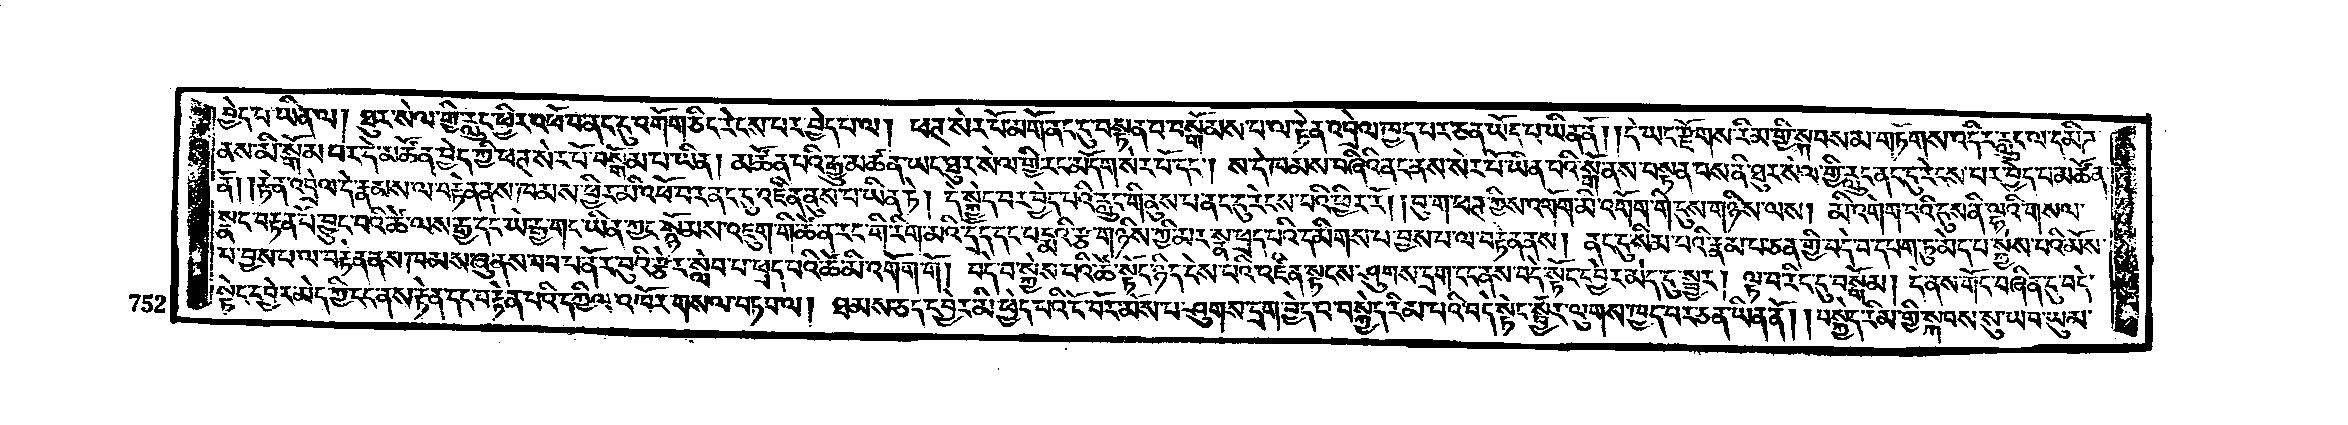བྱེད་པ་ཡིན་ལ། ཐུར་སེལ་གྱི་རླུང་ཕྱིར་འཕོ་བ་ནང་དུ་འགོག་ཅིང་རེངས་པར་བྱེད་པ་ལ། ཕཊ་སེར་པོ་མགོ་ནང་དུ་བསྟན་པ་བསྒོམས་པ་ལ་རྟེན་འབྲེལ་ཁྱད་པར་ཅན་ཡོད་པ་ཡིན་ནོ། །དེ་ཡང་རྫོགས་རིམ་གྱི་སྐབས་མ་གཏོགས་འདིར་རླུང་ལ་དམིགས་
ནས་མི་སྒོམ་པར་དེ་མཚོན་བྱེད་ཀྱི་ཕཊ་སེར་པོ་བསྒོམ་པ་ཡིན། མཚོན་པའི་རྒྱུ་མཚན་ཡང་ཐུར་སེལ་གྱི་རང་མདོག་སེར་པོ་དང་། ས་དེ་ཁམས་བཞིའི་ནང་ནས་སེར་པོ་ཡིན་པའི་སྒོ་ནས་བསྟན་པས་ནི་ཐུར་སེལ་གྱི་རླུང་ནང་དུ་རེངས་པར་བྱེད་པ་མཚན་
ནོ། །རྟེན་འབྲལ་དེ་རྣམས་ལ་བརྟེན་ནས་ཁམས་ཕྱིར་མི་འཕོ་བར་ནང་དུ་འཛིན་ནུས་པ་ཡིན་ཏེ། དེ་སྐྱེད་བར་བྱེད་པའི་རླུང་གི་ནུས་པ་ནང་དུ་རེངས་པའི་ཕྱིར་རོ། །བུ་ག་ཕཊ་ཀྱིས་འགོག་མི་འགོག་གི་དུས་གཉིས་ལས། མི་འགོག་པའི་དུས་ནི་ལྷའི་གསལ་
སྣང་བརྟན་པོ་བྱུང་བའི་ཚེ་ལས་རྒྱ་དང་ཡེ་རྒྱ་གང་ཡིན་ཀྱང་སྙོམས་འཇུག་གི་ཚེ་ན་རང་གི་རིག་མའི་དྲོད་དང་པདམའི་རྩ་གཉིས་ཀྱི་མར་སྣ་ཕྲད་པའི་དམིགས་པ་བྱས་པ་ལ་བརྟེན་ནས། ནང་དུ་སིམ་པའི་རྣམ་པ་ཅན་གྱི་བདེ་བ་དཔག་ཏུ་མེད་པ་སྐྱེས་པའི་མོས་
པ་བྱས་པ་ལ་བརྟེན་ནས་ཁམས་ཞུ་ནས་བབ་པ་ནོར་བུའི་རྩེར་སླེབ་པ་ཕྲད་པའི་ཚེ་མི་འགོག་གོ །བདེ་བ་སྐྱེས་པའི་ཚེ་སྟོང་ཉིད་ངེས་པའི་འཛིན་སྟངས་ཤུགས་དྲག་ངང་ནས་བདེ་སྟོང་དབྱེར་མེད་དུ་སྦྱར། ལྟ་བ་རིང་དུ་བསྒོམ། དེ་ནས་གོང་བཞིན་དུ་བདེ་
སྟོང་དབྱེར་མེད་ཀྱི་ངང་ནས་རྟེན་དང་བརྟེན་པའི་དཀྱིལ་འཁོར་གསལ་བཏབ་ལ། ཐམས་ཅད་དབྱེར་མི་ཕྱེད་པའི་ངོ་བོར་མོས་པ་ཤུགས་དྲག་བྱེད་པ་བསྐྱེད་རིམ་པའི་བདེ་སྟོང་སྦྱོར་ལུགས་ཁྱད་པར་ཅན་ཡིན་ནོ། །བསྐྱེད་རིམ་གྱི་སྐབས་སུ་ཡབ་ཡུམ་